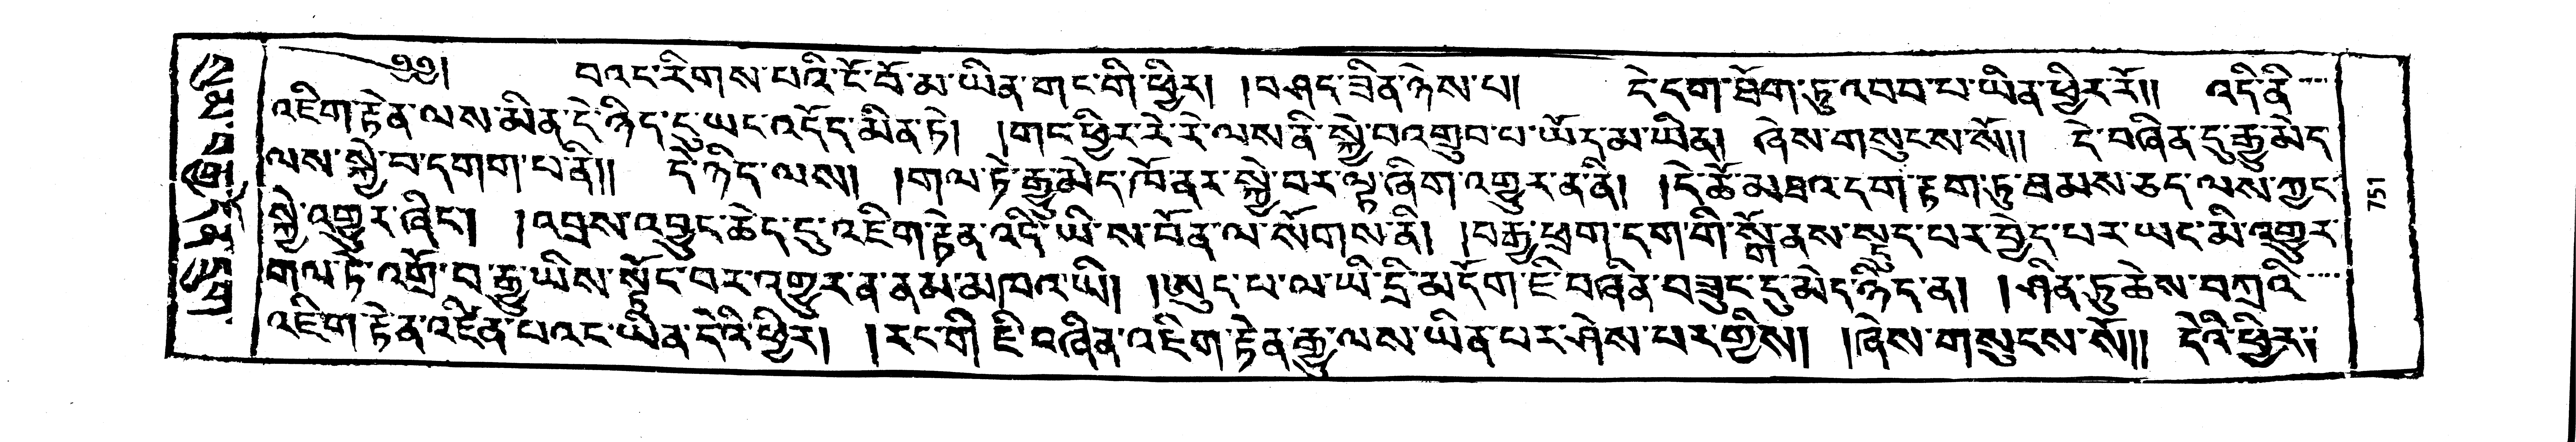༄༅། །པའང་རིགས་པའི་ངོ་བོ་མ་ཡིན་གང་གི་ཕྱིར། །བཤད་ཟིན་ཉེས་པ། དེ་དག་ཐོག་ཏུ་འབབ་པ་ཡིན་ཕྱིར་རོ།། འདི་ནི་
འཇིག་རྟེན་ལས་མིན་དེ་ཉིད་དུ་ཡང་འདོད་མིན་ཏེ། །གང་ཕྱིར་རེ་རེ་ལས་ནི་སྐྱེ་བ་འགྲུབ་པ་ཡོད་མ་ཡིན། ཞེས་གསུངས་སོ།། དེ་བཞིན་དུ་རྒྱུ་མེད་
ལས་སྐྱེ་བ་དགག་པ་ནི།། དེ་ཉིད་ལས། །གལ་ཏེ་རྒྱུ་མེད་ཁོ་ནར་སྐྱེ་བར་ལྟ་ཞིག་འགྱུར་ན་ནི། །དེ་ཚོ་མཐའ་དག་རྟག་ཏུ་ཐམས་ཅད་ལས་ཀྱང་
སྐྱེ་འགྱུར་ཞིང་། །འབྲས་འབྱུང་ཆེད་དུ་འཇིག་རྟེན་འདི་ཡི་ས་བོན་ལ་སོགས་ནི། །བརྒྱ་ཕྲག་དག་གི་སྒོ་ནས་སྡུད་པར་བྱེད་པར་ཡང་མི་འགྱུར་
གལ་ཏེ་འགྲོ་བ་རྒྱུ་ཡིས་སྟོང་པར་འགྱུར་ན་ནམ་མཁའ་ཡི། །ཨུད་པ་ལ་ཡི་དྲི་མདོག་ཇི་བཞིན་བཟུང་དུ་མེད་ཉིད་ན། །ཤིན་ཏུ་ཆེས་བཀྲའི་
འཇིག་རྟེན་འཛིན་པའང་ཡིན་དེའི་ཕྱིར། །རང་གི་ཇི་བཞིན་འཇིག་རྟེན་རྒྱུ་ལས་ཡིན་པར་ཤེས་པར་གྱིས། །ཞེས་གསུངས་སོ།། དེའི་ཕྱིར།